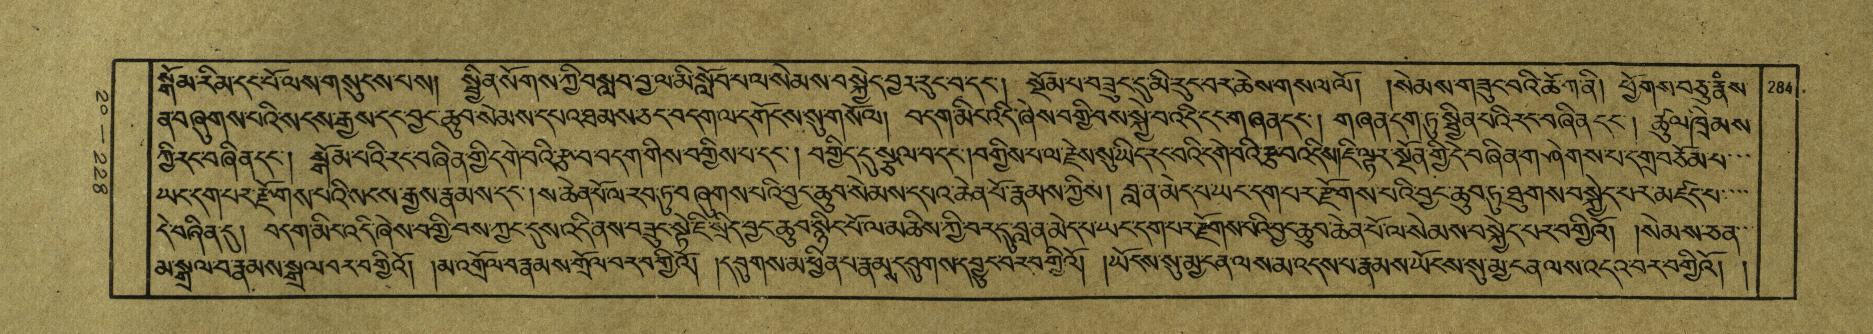སྒོམ་རིམ་དང་པོ་ལས་གསུངས་པས། སྦྱིན་སོགས་ཀྱི་བསླབ་བྱ་ལ་མི་སློབ་པ་ལ་སེམས་བསྐྱེད་བྱར་རུང་བ་དང་། སྡོམ་པ་བཟུང་དུ་མི་རུང་བར་ཆེས་གསལ་ལོ། །སེམས་གཟུང་བའི་ཆོ་ག་ནི། ཕྱོགས་བཅུ་རྣཾས་
ན་བཞུགས་པའི་སངས་རྒྱས་དང་བྱང་ཆུབ་སེམས་དཔའ་ཐམས་ཅད་བདག་ལ་དགོངས་སུ་གསོལ། བདག་མིང་འདི་ཞེས་བགྱི་བས་སྐྱེ་བ་འདི་དང་གཞན་དང་། གཞན་དག་ཏུ་སྦྱིན་པའི་རང་བཞིན་དང་། ཚུལ་ཁྲིམས་
ཀྱི་རང་བཞིན་དང་། སྒོམ་པའི་རང་བཞིན་གྱི་དགེ་བའི་རྩ་བ་བདག་གིས་བགྱིས་པ་དང་། བགྱིད་དུ་སྩལ་བ་དང་། བགྱིས་པ་ལ་རྗེས་སུ་ཡིད་རང་བའི་དགེ་བའི་རྩ་བ་འདིས། ཇི་ལྟར་སྔོན་གྱི་དེ་བཞིན་གཤེགས་པ་དགྲ་བཅོམ་པ་
ཡང་དག་པར་རྫོགས་པའི་སངས་རྒྱས་རྣམས་དང་། ས་ཆེན་པོ་ལ་རབ་ཏུ་བཞུགས་པའི་བྱང་ཆུབ་སེམས་དཔའ་ཆེན་པོ་རྣམས་ཀྱིས། བླ་ན་མེད་པ་ཡང་དག་པར་རྫོགས་པའི་བྱང་ཆུབ་ཏུ་ཐུགས་བསྐྱེད་པར་མཛད་པ་
དེ་བཞིན་དུ། བདག་མིང་འདི་ཞེས་བགྱི་བས་ཀྱང་དུས་འདི་ནས་བཟུང་སྟེ་ཇི་སྲིད་བྱང་ཆུབ་སྙིང་པོ་ལ་མཆིས་ཀྱི་བར་དུ་བླ་ན་མེད་པ་ཡང་དག་པར་རྫོགས་པའི་བྱང་ཆུབ་ཆེན་པོ་ལ་སེམས་བསྐྱེད་པར་བགྱིའོ། །སེམས་ཅན་
མ་སྒྲལ་བ་རྣམས་སྒྲལ་བར་བགྱིའོ། །མ་འགྲོལ་བ་རྣམས་གྲོལ་བར་བགྱིའོ། །དབུགས་མ་ཕྱིན་པ་རྣམས་དབུགས་དབྱུང་བར་བགྱིའོ། །ཡོངས་སུ་མྱ་ངན་ལས་མ་འདས་པ་རྣམས་ཡོངས་སུ་མྱ་ངན་ལས་འདའ་བར་བགྱིའོ། །